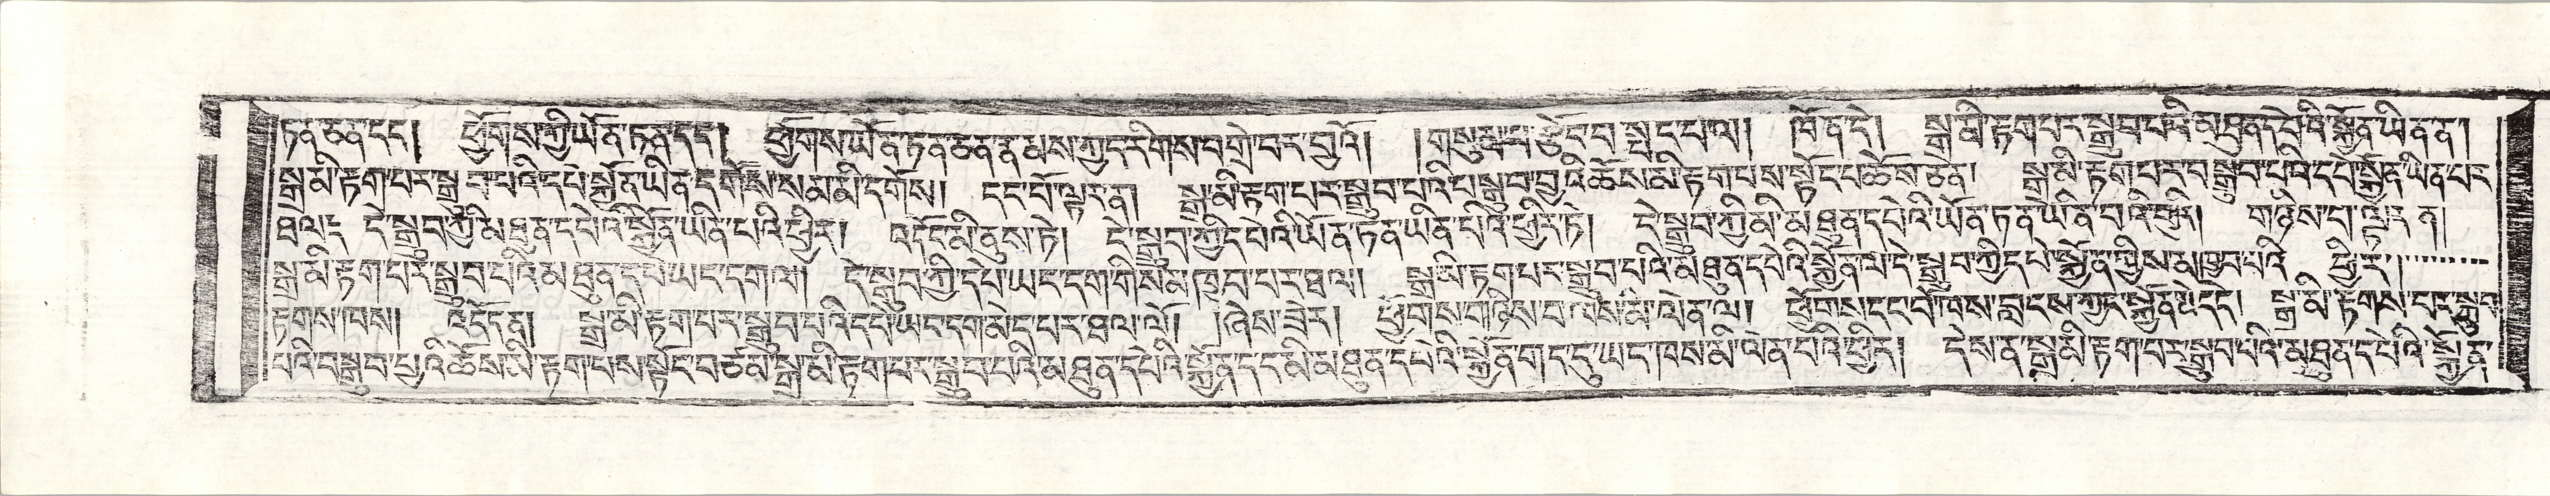ཏན་ཅན་དང་། ཕྱོགས་ཀྱི་ཡོན་ཏན་དང་། ཕྱོགས་ཡོན་ཏན་ཅན་རྣམས་ཀྱང་རིགས་བགྲེ་བར་བྱའོ། །གསུམ་པ་རྩོད་པ་རྩོད་པ་སྤོང་བ་ལ། ཁོ་ན་དེ། སྒྲ་མི་རྟག་པར་སྒྲུབ་པའི་མཐུན་དཔེའི་སྐྱོན་ཡིན་ན། སྒྲ་མི་རྟག་པར་
སྒྲུབ་པའི་དཔེ་སྐྱོན་ཡིན་དགོས་སམ་མི་དགོས། དང་པོ་ལྟར་ན། སྒྲ་མི་རྟག་པར་སྒྲུབ་པའི་བསྒྲུབ་བྱའི་ཆོས་མི་རྟག་པས་སྟོང་པ་ཆོས་ཅན། སྒྲ་མི་རྟག་པར་སྒྲུབ་པའི་དཔེ་སྐྱོན་ཡིན་པར་ཐལ། དེ་སྒྲུབ་ཀྱི་མཐུན་དཔེའི་སྐྱོན་ཡིན་པའི་
ཕྱིར། འདོད་མི་ནུས་ཏེ། དེ་སྒྲུབ་ཀྱིའི་དཔེའི་ཡོན་ཏན་ཡིན་པའི་ཕྱིར་ཏེ། དེ་སྒྲུབ་ཀྱི་མི་མཐུན་དཔེའི་ཡོན་ཏན་ཡིན་པའི་ཕྱིར། གཉིས་པ་ལྟར་ན། སྒྲ་མི་རྟག་པར་སྒྲུབ་པའི་མཐུན་དཔེ་ཡང་དག་ལ། དེ་སྒྲུབ་ཀྱི་དཔེ་ཡང་དག་གིས་
མ་ཁྱབ་པར་ཐལ། སྒྲ་མི་རྟག་པར་སྒྲུབ་པའི་མཐུན་དཔེའི་སྐྱོན་ལ་དེ་སྒྲུབ་ཀྱི་དཔེ་སྐྱོན་གྱིས་མ་ཁྱབ་པའི་ཕྱིར། །རྟགས་ཁས། འདོད་ན། སྒྲ་མི་རྟག་པར་སྒྲུབ་པའི་དཔེ་ཡང་དག་མེད་པར་ཐལ་ལོ། །ཞེས་ཟེར། ཕྱོགས་གཉིས་པ་
ཁས་མི་ལེན་ལ། ཕྱོགས་དང་པོ་ཁས་བླངས་ཀྱང་སྐྱོན་མེད་དེ། སྒྲ་མི་རྟག་པར་སྒྲུབ་པའི་བསྒྲུབ་བྱའི་ཆོས་མི་རྟག་པས་སྟོང་བ་ཙམ་སྒྲ་མི་རྟག་པར་སྒྲུབ་པའི་མཐུན་དཔེའི་སྐྱོན་དང་མི་མཐུན་དཔེའི་སྐྱོན་གང་དུ་ཡང་ཁས་མི་ལེན་པའི་ཕྱིར།
དེས་ན་སྒྲ་མི་རྟག་པར་སྒྲུབ་པའི་མཐུན་དཔེའི་སྐྱོན་